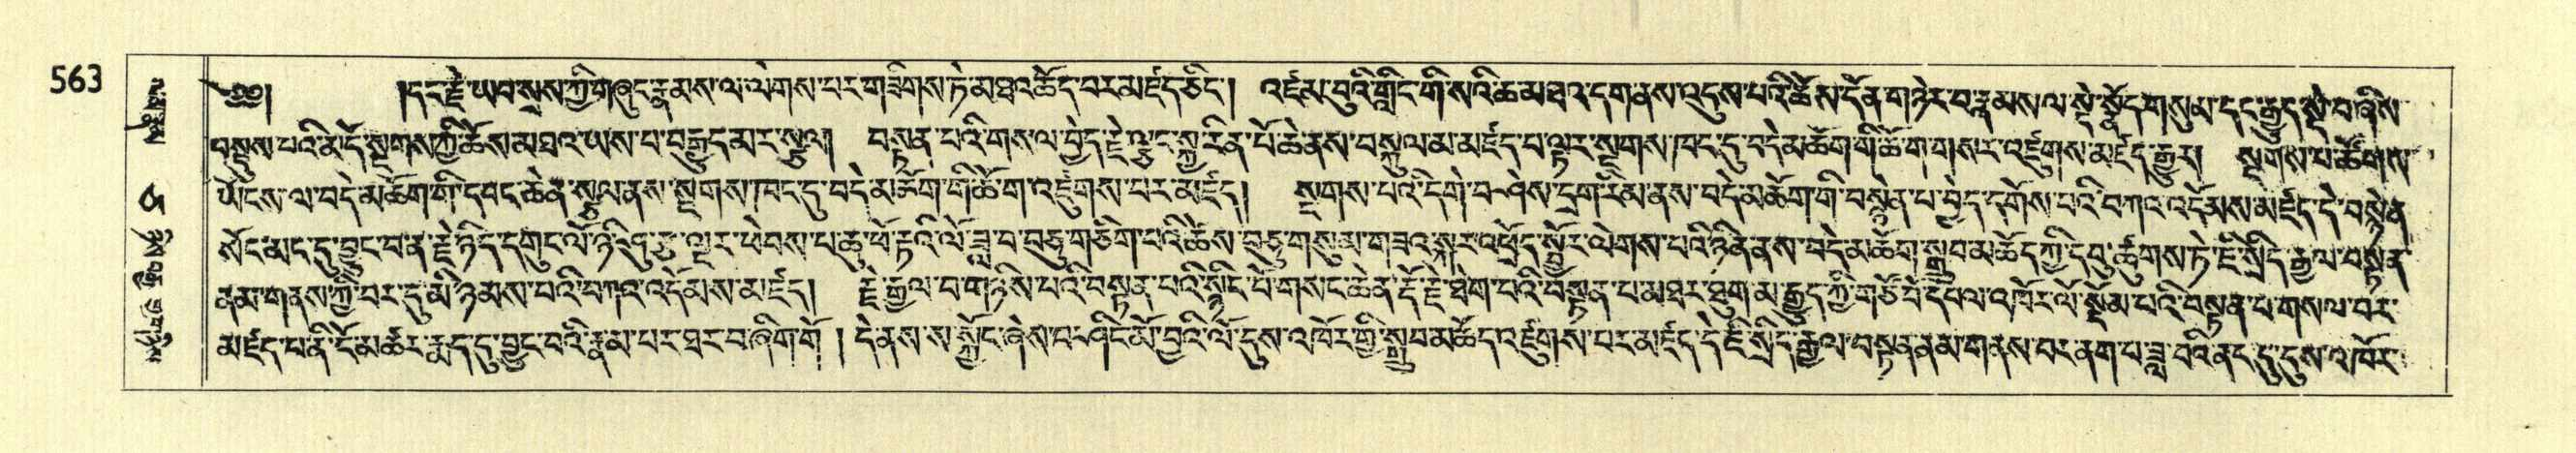༄༅། །དང་རྗེ་ཡབ་སྲས་ཀྱི་གཞུང་རྣམས་ལ་ལེགས་པར་གཟིགས་ཏེ་མཐའ་ཆོད་བར་མཛད་ཅིང་། འཛམ་བུའི་གླིང་གི་སའི་ཆ་མཐའ་དག་ནས་འདུས་པའི་ཆོས་དོན་གཉེར་བ་རྣམས་ལ་སྡེ་སྣོད་གསུམ་དང་རྒྱུད་སྡེ་བཞིས་
བསྡུས་པའི་མདོ་སྔགས་ཀྱི་ཆོས་མཐའ་ཡས་པ་བརྒྱུད་མར་སྩལ། བསྟན་པའི་གསལ་བྱེད་རྗེ་ལྕང་སྐྱ་རིན་པོ་ཆེ་ནས་བསྐུལ་མ་མཛད་པ་ལྟར་སྔགས་ཁང་དུ་བདེ་མཆོག་གི་ཆོ་ག་གསར་འཛུགས་མཛད་རྒྱུར། སྔགས་པ་ཚོགས་
ཡོངས་ལ་བདེ་མཆོག་གི་དབང་ཆེན་སྩལ་ནས་སྔགས་ཁང་དུ་བདེ་མཆོག་གི་ཆོ་ག་འཛུགས་པར་མཛད། སྔགས་པའི་དགེ་བཤེས་དྲག་རིམ་ནས་བདེ་མཆོག་གི་བསྙེན་པ་བྱེད་དགོས་པའི་བཀའ་འདོམས་མཛད་དེ་བསྙེན་
སོང་མང་དུ་བྱུང་བ་ན་རྗེ་ཉིད་དགུང་ལོ་ཉི་ཤུ་རྩ་ལྔར་ཕེབས་པ་ཆུ་ཕོ་རྟའི་ལོ་ཟླ་བ་བཅུ་གཅིག་པའི་ཚེས་བཅུ་གསུམ་གཟའ་སྐར་འཕྲོད་སྦྱོར་ལེགས་པའི་ཉིན་ནས་བདེ་མཆོག་སྒྲུབ་མཆོད་ཀྱི་དབུ་ཚུགས་ཏེ་ཇི་སྲིད་རྒྱལ་བསྟན་
ནམ་གནས་ཀྱི་བར་དུ་མི་ཉམས་པའི་བཀའ་འདོམས་མཛད། རྗེ་རྒྱལ་བ་གཉིས་པའི་བསྟན་པའི་སྙིང་པོ་གསང་ཆེན་རྡོ་རྗེ་ཐེག་པའི་བསྟན་པ་མཐར་ཐུག་མ་རྒྱུད་ཀྱི་གཙོ་བོ་དཔལ་འཁོར་ལོ་སྡོམ་པའི་བསྟན་པ་གསལ་བར་
མཛད་པ་ནི་ངོ་མཚར་རྨད་དུ་བྱུང་བའི་རྣམ་པར་ཐར་བ་ཞིག་གོ །དེ་ནས་ས་སྐྱོང་ཞེས་བ་ཤིང་མོ་བྱའི་ལོ་དུས་འཁོར་གྱི་སྒྲུབ་མཆོད་འཛུགས་པར་མཛད་དེ་ཇི་སྲིད་རྒྱལ་བསྟན་ནམ་གནས་བར་ནག་པ་ཟླ་བའི་ནང་དུ་དུས་འཁོར་